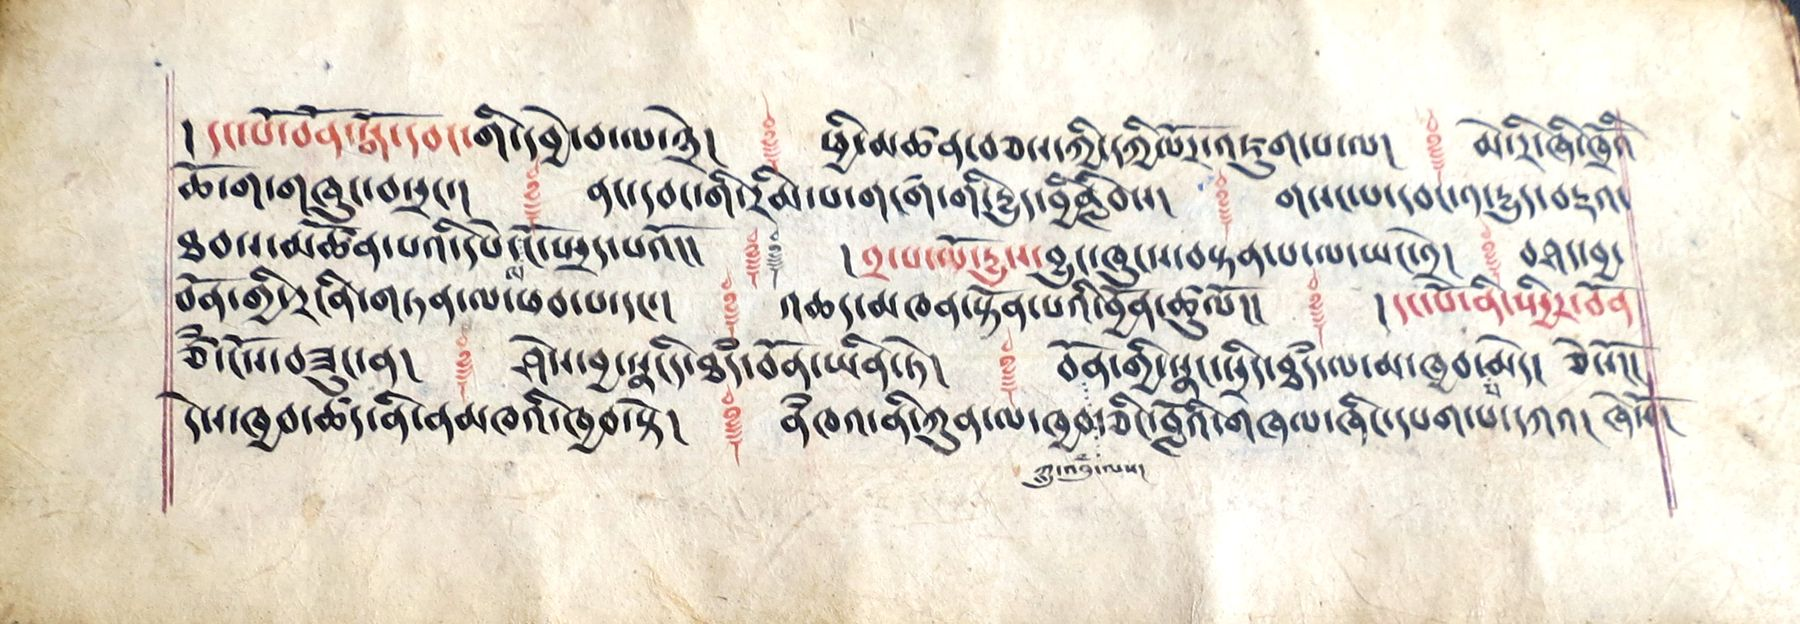དང་པོ་བོན་སྒོ་དབང་གིས་དབྱེ་བ་ལ་གསུམ་སྟེ། ཕྱི་མཚན་བཅས་ཀྱི་དཀྱིལ་འཁོར་ལ་འཇུག་པ་ལ། མེ་རི་ཞི་ཁྲོའི་
ཆོ་གའི་གཞུང་བསྲང་། ནང་དབང་གི་རིམ་པས་གང་ཟག་གི་རྒྱུད་བྱིན་གྱིས་བརླབ། གསང་བ་དབང་གཅིག་བརྒྱུད་བརྡ་
ཐབས་མཚོན་པའི་དཔེ་ལ་ངོ་སྤྲོད་པའོ། གཉིས་པ་ལོ་རྒྱུས་བྱུང་ཁུངས་བསྟན་པ་ལ་ཡང་གཉིས་ཏེ། བཤད་བྱ་
བོན་གྱི་རང་བཞིན་གཏན་ལ་ཕབ་པ་དང་། འཆད་མཁན་སྟོན་པའི་བྱོན་ཚུལ་ལོ། ། དང་པོ་ནི་སྤྱིར་བོན་
ཙམ་ངོས་བཟུང་ན། (ཀླུ་འབུམ་ལས) ཤེས་བྱ་སྣང་སྲིད་ཐམས་ཅད་བོན་ཡིན་ཏེ། བོན་གྱིས་སྣང་སྲིད་ཐམས་ཅད་ལ་མ་ཁྱབ་པ་མེད་ཅེས་སོ། ། 
དེས་ཁྱབ་ཚད་ནི་ནམ་མཁས་ཁྱབ་སྟེ། ནམ་མཁའ་ནི་ཀུན་ལ་ཁྱབ་ཅིང་བློས་གཞལ་ཞིང་དཔག་པ་དཀའ་ཞེས་སོ། །